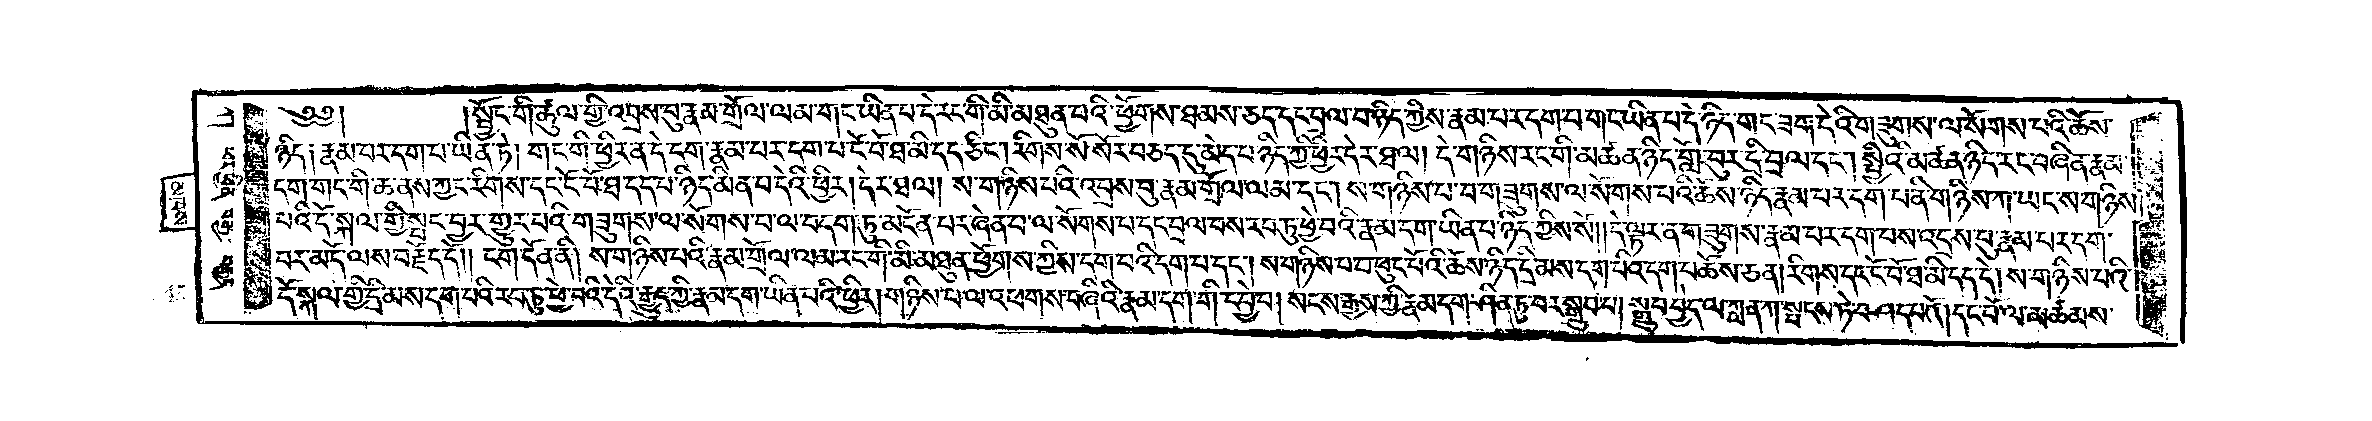༄༅། །སྦྱོང་གི་ཚུལ་གྱི་འབྲས་བུ་རྣམ་གྲོལ་ལམ་གང་ཡིན་པ་དེ་རང་གི་མི་མཐུན་པའི་ཕྱོགས་ཐམས་ཅད་དང་བྲལ་བ་ཉིད་ཀྱིས་རྣམ་པར་དག་པ་གང་ཡིན་པ་དེ་ཉིད་གང་ཟག་དེའི་གཟུགས་ལ་སོགས་པའི་ཆོས་
ཉིད། རྣམ་པར་དག་པ་ཡིན་ཏེ། གང་གི་ཕྱིར་ན་དེ་དག་རྣམ་པར་དག་པ་ངོ་བོ་ཐ་མི་དད་ཅིང་། རིགས་སོ་སོར་བཅད་དུ་མེད་པ་ཉིད་ཀྱི་ཕྱིར་དེར་ཐལ། དེ་གཉིས་རང་གི་མཚན་ཉིད་གློ་བུར་དྲི་བྲལ་དང་། སྤྱིའི་མཚན་ཉིད་རང་བཞིན་རྣམ་
དག་གང་གི་ཆ་ནས་ཀྱང་རིགས་དང་ངོ་བོ་ཐ་དད་པ་ཉིད་མིན་པ་དེའི་ཕྱིར། དེར་ཐལ། ས་གཉིས་པའི་འབྲས་བུ་རྣམ་གྲོལ་ལམ་དང་། ས་གཉིས་པ་བ་གཟུགས་ལ་སོགས་པའི་ཆོས་ཉིད་རྣམ་པར་དག་པ་ནི་གཉིས་ཀ་ཡང་ས་གཉིས་
པའི་ངོ་སྐལ་གྱི་སྤང་བྱར་གྱུར་པའི་གཟུགས་ལ་སོགས་པ་ལ་བདག་ཏུ་མངོན་པར་ཞེན་པ་ལ་སོགས་པ་དང་བྲལ་བས་རབ་ཏུ་ཕྱེ་བའི་རྣམ་དག་ཡིན་པ་ཉིད་ཀྱིས་སོ། །དེ་ལྟར་ན་གཟུགས་རྣམ་པར་དག་པས་འབྲས་བུ་རྣམ་པར་དག་
པར་མདོ་ལས་བརྗོད་དོ། །ངག་དོན་ནི། ས་གཉིས་པའི་རྣམ་གྲོལ་ལམ་རང་གི་མི་མཐུན་ཕྱོགས་ཀྱིས་དག་པའི་དག་པ་དང་། ས་གཉིས་པ་བ་ཕུང་པོའི་ཆོས་ཉིད་དྲི་མས་དག་པའི་དག་པ་ཆོས་ཅན། རིགས་དང་ངོ་བོ་ཐ་མི་དད་དེ། ས་གཉིས་པའི་
ངོ་སྐལ་གྱི་དྲི་མས་དག་པའི་རབ་ཏུ་ཕྱེ་བའི་དེའི་རྒྱུད་ཀྱི་རྣམ་དག་ཡིན་པའི་ཕྱིར། གཉིས་པ་ལ་འཕགས་བཞིའི་རྣམ་དག་གི་དབྱེ་བ། སངས་རྒྱས་ཀྱི་རྣམ་དག་ཤིན་ཏུ་བར་སྒྲུབ་པ། སྒྲུབ་བྱེད་ལ་ཀླན་ཀ་སྤངས་ཏེ་བཤད་པའོ། དང་པོ་ལ་མཚམས་